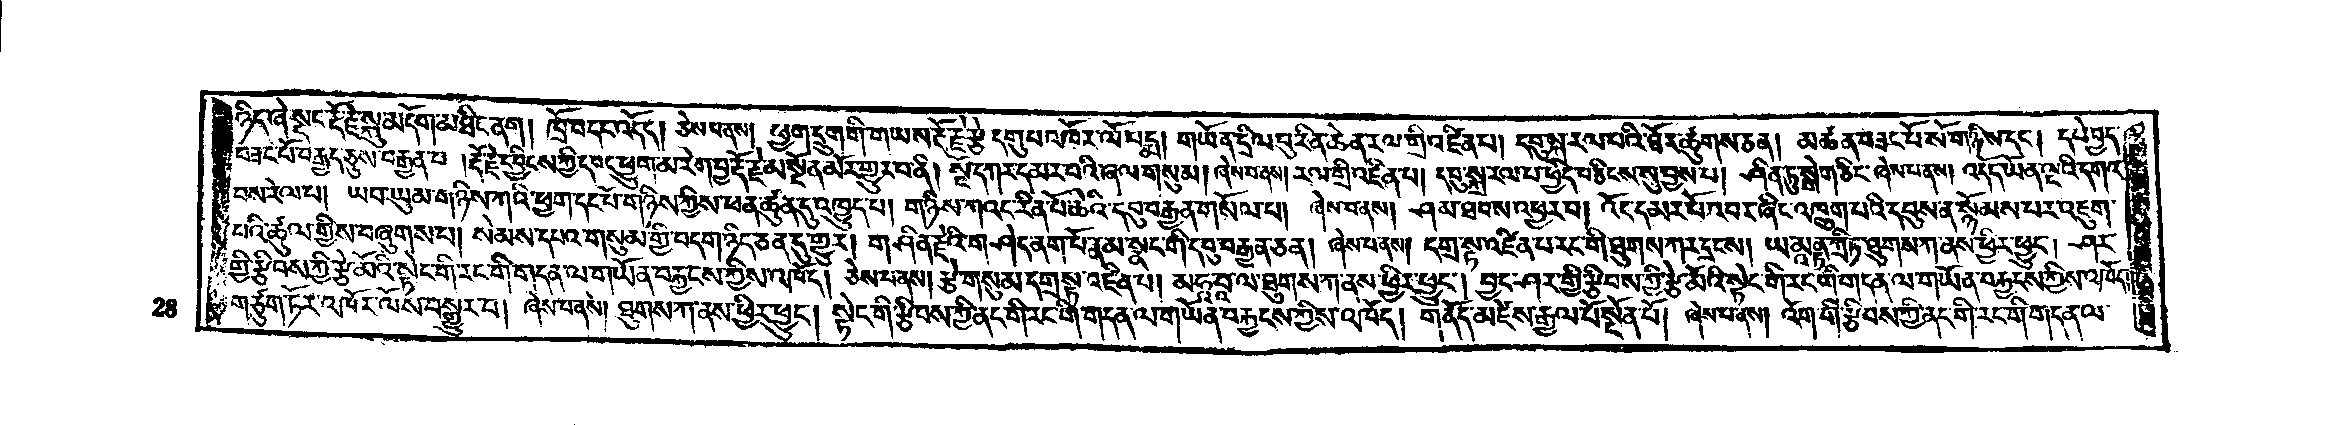ཉིད་ཞེ་སྡང་རྡོ་རྗེ་སྐུ་མདོག་མཐིང་ནག །ཁྲོ་བ་དང་འདོད། ཅེས་པ་ནས། ཕྱག་དྲུག་གི་གཡས་རྡོ་རྗེ་རྩེ་དགུ་པ་འཁོར་ལོ་པདམ། གཡོན་དྲིལ་བུ་རིན་ཆེན་རལ་གྲི་འཛིན་པ། དབུ་སྐྲ་རལ་བའི་ཐོར་ཚུགས་ཅན། མཚན་བཟང་པོ་སོ་གཉིས་དང་། དཔེ་བྱད་
བཟང་པོ་བརྒྱད་ཅུས་བརྒྱན་པ། རྡོ་རྗེ་དབྱིངས་ཀྱི་དབང་ཕྱུག་མ་རེག་བྱ་རྡོ་རྗེ་མ་སྔོན་མོར་གྱུར་པ་ནི། སྔོ་དཀར་དམར་བའི་ཞལ་གསུམ། ཞེས་པ་ནས། རལ་གྲི་འཛིན་པ། དབུ་སྐྲ་རལ་པ་ཕྱེད་བཅིངས་སུ་བྱས་པ། ཤིན་ཏུ་སྒེག་ཅིང་ཞེས་པ་ནས། འདོད་ཡོན་ལྔའི་དགའ་
བས་རེལ་པ། ཡབ་ཡུམ་གཉིས་ཀའི་ཕྱག་དང་པོ་གཉིས་ཀྱིས་ཕན་ཚུན་དུ་འཁྱུད་པ། གཉིས་ཀའང་རིན་པོ་ཆེའི་དབུས་བརྒྱན་གསོལ་བ། ཞེས་པ་ནས། ཤམ་ཐབས་འཕྱར་བ། འོད་དམར་པོ་འབར་ཞིང་འཁྲུག་པའི་དབུས་ན་སྙོམས་པར་འཇུག་
པའི་ཚུལ་གྱིས་བཞུགས་པ། སེམས་དཔའ་གསུམ་གྱི་བདག་ཉིད་ཅན་དུ་གྱུར། གཤིན་རྗེའི་གཤེད་ནག་པོ་རྣམ་སྣང་གི་དབུ་བརྒྱན་ཅན། ཞེས་པ་ནས། དགྲ་སྟ་འཛིན་པ་རང་གི་ཐུགས་ཀར་དྲངས། ཡ་མཱནྟ་ཀྲིཏ་ཐུགས་ཀ་ནས་ཕྱིར་ཕྱུང་། ཤར་
གྱི་རྩིབས་ཀྱི་རྩེ་མོའི་སྟེང་གི་རང་གི་གདན་ལ་གཡོན་བརྐྱངས་ཀྱིས་འཁོད། ཅེས་པ་ནས། རྩེ་གསུམ་དགྲ་སྟ་འཛིན་པ། མཧཱ་བཱ་ལ་ཐུགས་ཀ་ནས་ཕྱིར་ཕྱུང་། བྱང་ཤར་གྱི་རྩིབས་ཀྱི་རྩེ་མོའི་སྟེང་གི་རང་གི་གདན་ལ་གཡོན་བརྐྱངས་ཀྱིས་འཁོར།
གཙུག་ཏོར་འཁོར་ལོས་བསྒྱུར་བ། ཞེས་པ་ནས། ཐུགས་ཀ་ནས་ཕྱིར་ཕྱུང་། སྟེང་གི་རྩིབས་ཀྱི་ནང་གི་རང་གི་གདན་ལ་གཡོན་བརྐྱངས་ཀྱིས་འཁོད། གནོད་མཛེས་རྒྱལ་པོ་སྔོན་པོ། ཞེས་པ་ནས། འོག་གི་རྩིབས་ཀྱི་ནང་གི་རང་གི་གདན་ལ་